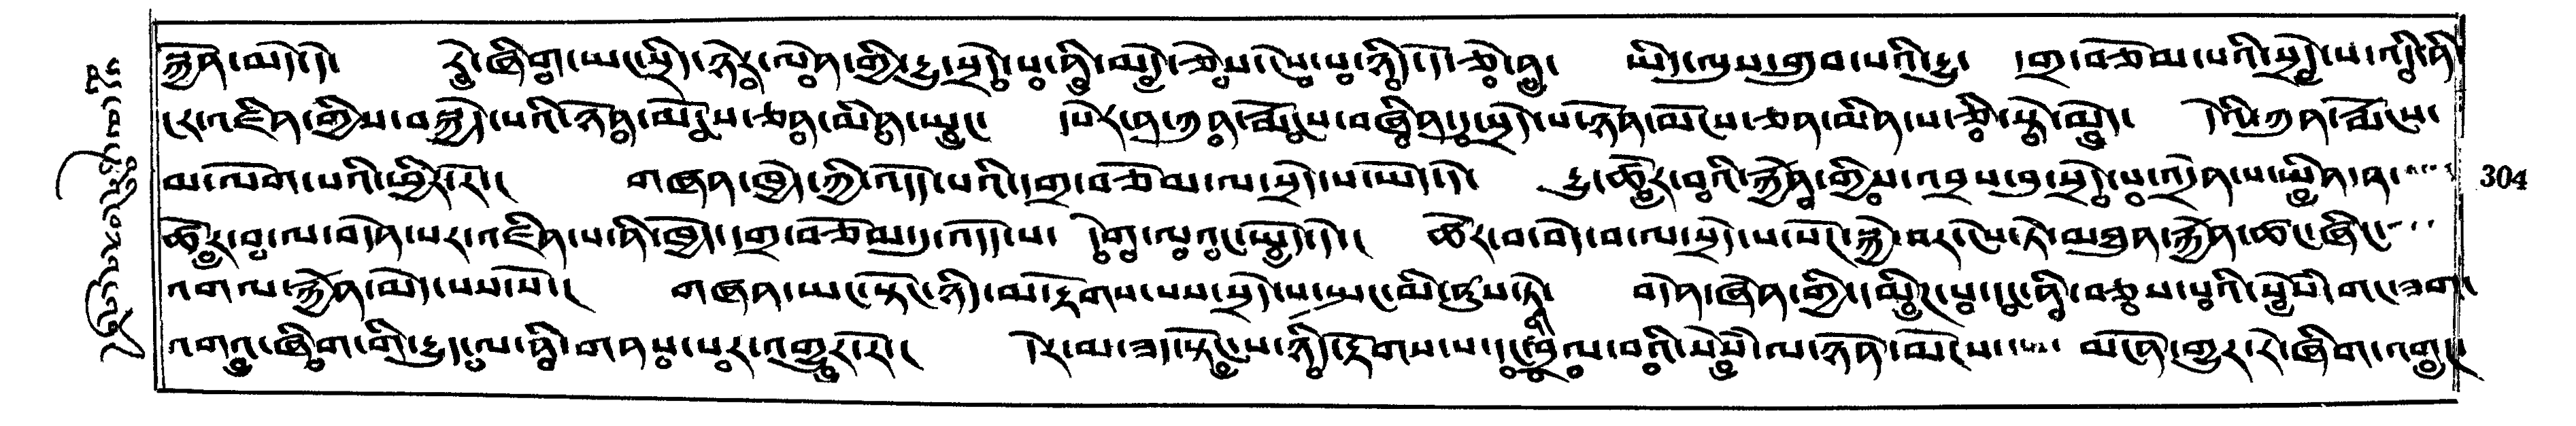སྐྱོན་མེད་དེ། རེ་ཞིག་ཡང་སྲིད་ཉེར་ལེན་གྱི་རྒྱུ་སྲེད་པ་ནི་མེད་ཅེས་ངེས་པ་ཉིད་དོ་ཅེ་ན། ཡིད་ལུས་གྲུབ་པའི་རྒྱུ། དགྲ་བཅོམ་པའི་སྲེད་པ་འདི་ནི་
ངར་འཛིན་གྱིས་བསྐྱེད་པའི་ཉོན་མོངས་ཅན་མིན་ཡང་། དཔེར་ན་ཀུན་རྨོངས་བཞིན་དུ་སྲེད་པ་ཉོན་མོངས་ཅན་མིན་པ་ཅི་སྟེ་མེད། དེའི་ཀུན་རྨོངས་
མ་ལོག་པའི་ཕྱིར་རོ། གཞན་ཁྱེད་ཀྱི་འདོད་པའི་དགྲ་བཅོམ་ལ་སྲེད་པ་ཡོད་དེ། རྒྱུ་ཚོར་བའི་རྐྱེན་གྱིས་འབྲས་བུ་སྲེད་པ་འདྲེན་པ་ཡིན་ན་
ཚོར་བ་ལ་བདེན་པར་འཛིན་པ་ནི་ཁྱོད་དགྲ་བཅོམ་དུ་འདོད་པ་དེ་དག་ལའང་ཡོད་དེ། ཚོར་བ་བདེ་བ་ལ་སྲེད་པ་སོགས་སྐྱེ་བར་ངེས་ཏེ་མཐུན་རྐྱེན་ཚང་ཞིང་
འགལ་རྐྱེན་མེད་པས་སོ། གཞན་ཡང་སྟོང་ཉིད་མ་རྟོགས་པས་སྲེད་པ་སྤང་མི་ནུས་ཏེ། བདེན་ཞེན་གྱྀ་དམིགས་པ་དང་ནི་བཅས་པའི་སེམས་གང་ཟག་
འགའ་ཞིག་གི་རྒྱུད་ལ་ནི་གནས་པར་འགྱུར་རོ། དེར་མ་ཟད་སྟོང་པ་ཉིད་རྟོགས་པ་དང་ནི་བྲལ་བའི་སེམས་ལ་ཉོན་མོངས་པ་མངོན་གྱུར་རེ་ཞིག་འགགས་